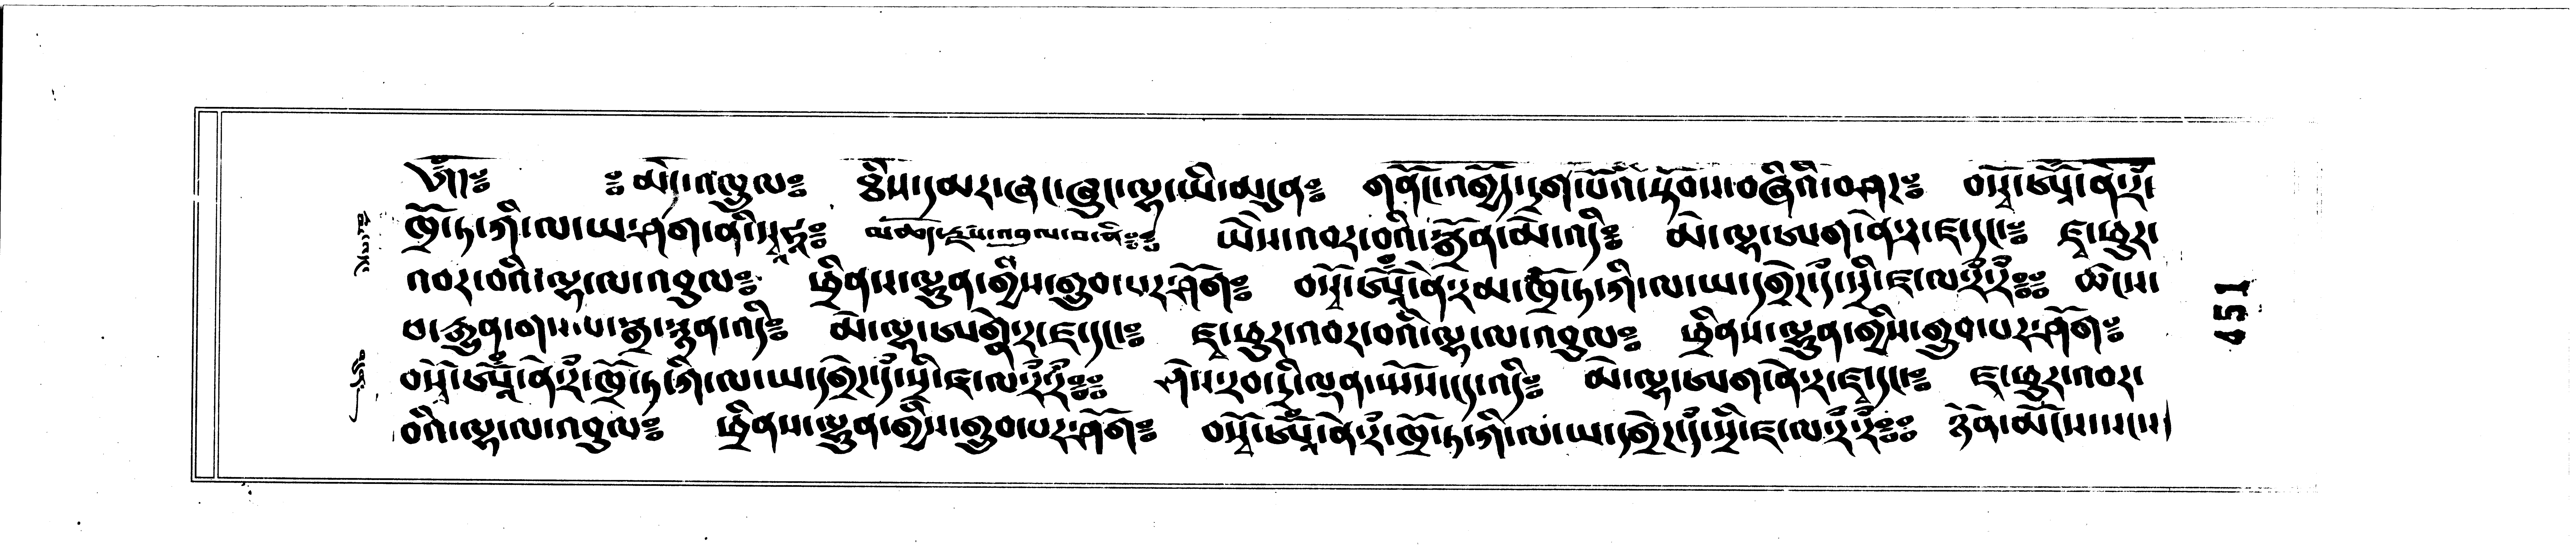༔མེད་འཁྲུལ༔ཐིས་དམར་ཞང་ཞུང་ལྷ་ཡི་མདུན༔ གནོང་འགྱོད་དྲག་པོའི་སྟོབས་བཞིའི་བཤགས༔བསྭོ་ཨཱོཾ་ནེ་རཾ་
ཁྲོ་ཏ་ཀི་ལ་ཡ་ཤག་ནི་སྭཧཱ༔མཆོད་རྫས་འབུལ་བ་ནི༔༔ཡེ་ཤེས་འབར་བའི་སྒྲོན་མེ་འདི༔མེ་ལྷ་ཨག་ནེ་ར་ཛ་དང་༔ཛྭ་ཕུར་
འབར་བའི་ལྷ་ལ་འབུལ༔ཕྲིན་ལས་ལྷུན་གྱིས་གྲུབ་པར་ཤོག༔བསྭོ་ཨཱོཾ་ནེ་རཾ་ཁྲོ་ཏ་ཀི་ལ་ཡ་དགྲ་བགེགས་དམ་སྲི་ཛ་ལ་རཾ་རཾ༔༔ཚངས་
པ་རྒྱུན་གསལ་སྒྲ་སྙན་འདི༔མེ་ལྷ་ཨགྣེ་ར་ཛྭ་དང་༔ཛྭ་ཕུར་འབར་བའི་ལྷ་ལ་འབུལ༔ཕྲིན་ལས་ལྷུན་གྱིས་གྲུབ་པར་ཤོག༔
བསྭོ་ཨཱོཾ་ནེ་རཾ་ཁྲོ་ཏ་ཀི་ལ་ཡ་དགྲ་བགེགས་དམ་སྲི་ཛ་ལ་རཾ་རཾ༔༔ཤེས་རབ་དྲི་ལྡན་སྤོས་ངད་འདི༔མེ་ལྷ་ཨག་ནེ་ར་ཛྭ་དང༔ཛྭ་ཕུར་འབར་
བའི་ལྷ་ལ་འབུལ༔ཕྲིན་ལས་ལྷུན་གྱིས་གྲུབ་པར་ཤོག༔བསྭོ་ཨཱོཾ་ནེ་རཾ་ཁྲོ་ཏ་ཀི་ལ་ཡ་དགྲ་བགེགས་དམ་སྲི་ཛ་ལ་རཾ་རཾ༔༔ཉོན་མོངས་སངས་